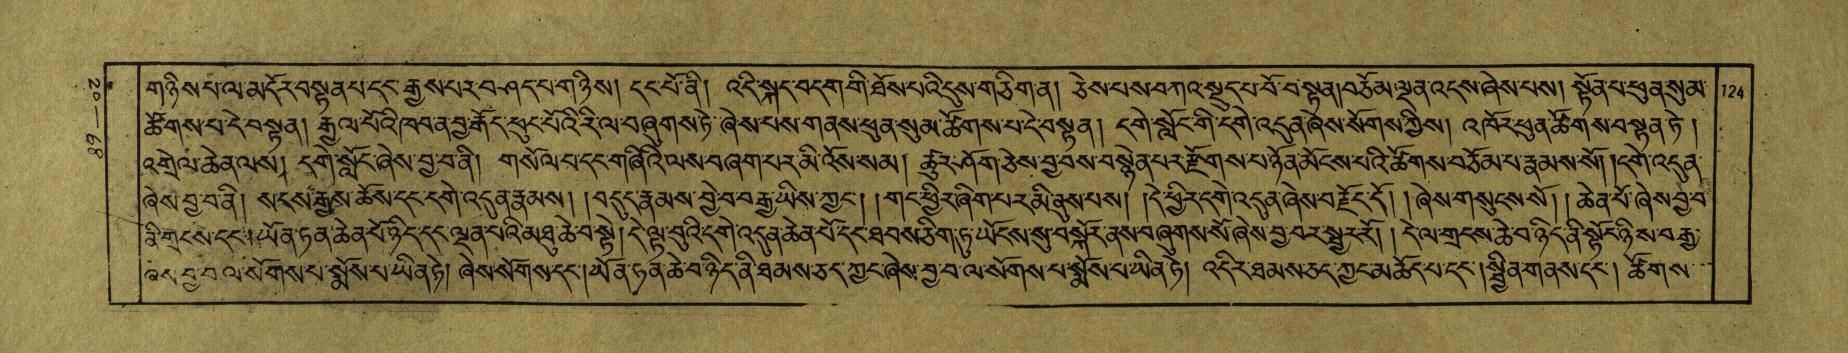གཉིས་པ་ལ་མདོར་བསྟན་པ་དང་རྒྱས་པར་བཤད་པ་གཉིས། དང་པོ་ནི། འདི་སྐད་བདག་གི་ཐོས་པའི་དུས་གཅིག་ན། ཅེས་པས་བཀའ་སྡུད་པ་བོ་བསྟན། བཅོམ་ལྡན་འདས་ཞེས་པས། སྟོན་པ་ཕུན་སུམ་
ཚོགས་པ་དེ་བསྟན། རྒྱལ་པོའི་ཁབ་ན་བྱ་རྒོད་ཕུང་པོའི་རི་ལ་བཞུགས་ཏེ་ཞེས་པས་གནས་ཕུན་སུམ་ཚོགས་པ་དེ་བསྟན། དགེ་སློང་གི་དགེ་འདུན་ཞེས་སོགས་ཀྱིས། འཁོར་ཕུན་ཚོགས་བསྟན་ཏེ།
འགྲེལ་ཆེན་ལས། དགེ་སློང་ཞེས་བྱ་བ་ནི། གསོལ་བ་དང་གཞིའི་ལས་བཞག་པར་མི་འོས་སམ། ཚུར་ཤོག་ཅེས་བྱ་བས་བསྙེན་པར་རྫོགས་པ་ཉོན་མོངས་པའི་ཚོགས་བཅོམ་པ་རྣམས་སོ། །དགེ་འདུན་
ཞེས་བྱ་བ་ནི། སངས་རྒྱས་ཆོས་དང་དགེ་འདུན་རྣམས། །བདུད་རྣམས་བྱེ་བ་བརྒྱ་ཡིས་ཀྱང་། །གང་ཕྱིར་ཞིག་པར་མི་ནུས་པས། །དེ་ཕྱིར་དགེ་འདུན་ཞེས་བརྗོད་དོ། །ཞེས་གསུངས་སོ། །ཆེན་པོ་ཞེས་བྱ་བ་
ནི་གྲངས་དང་། ཡོན་ཏན་ཆེན་པོ་ཉིད་དང་ལྡན་པའི་མཐུ་ཆེ་བ་སྟེ། དེ་ལྟ་བུའི་དགེ་འདུན་ཆེན་པོ་དང་ཐབས་ཅིག་ཏུ་ཡོངས་སུ་བསྐོར་ནས་བཞུགས་སོ་ཞེས་བྱ་བར་སྦྱར་རོ། །དེ་ལ་གྲངས་ཆེ་བ་ཉིད་ནི་སྟོང་ཉིས་བརྒྱ་
ཞེས་བྱ་བ་ལ་སོགས་པ་སྨོས་པ་ཡིན་ཏེ། ཞེས་སོགས་དང་། ཡོན་ཏན་ཆེ་བ་ཉིད་ནི་ཐམས་ཅད་ཀྱང་ཞེས་བྱ་བ་ལ་སོགས་པ་སྨོས་པ་ཡིན་ཏེ། འདིར་ཐམས་ཅད་ཀྱང་མཆོད་པ་དང་། སྦྱིན་གནས་དང་། ཚོགས་